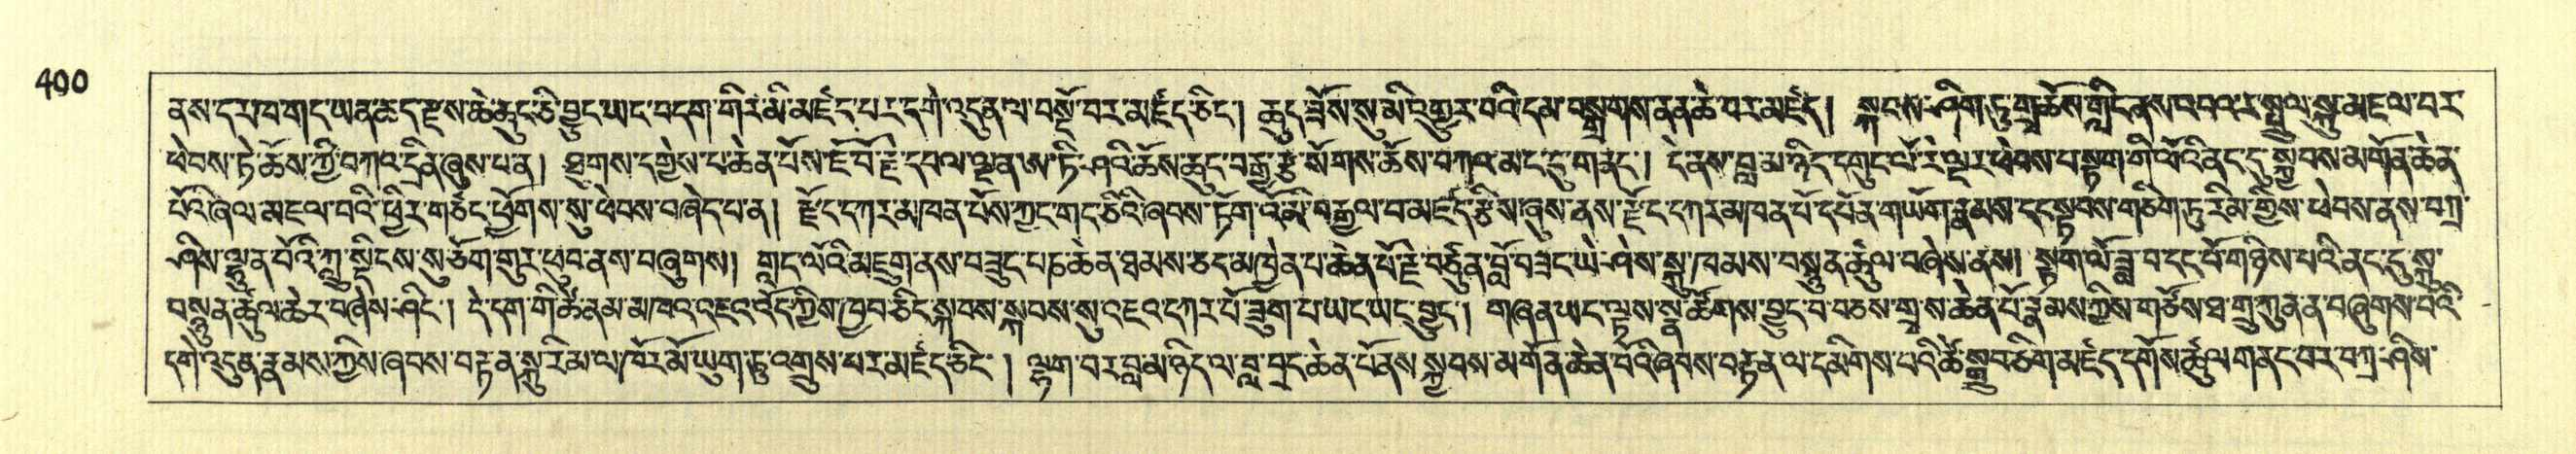ནས་དར་ཁ་གང་ཡན་ཆད་རྫས་ཆེ་ཆུང་ཅི་བྱུང་ཡང་བདག་གིར་མི་མཛད་པར་དགེ་འདུན་ལ་བསྔོ་བར་མཛད་ཅིང་། ཆུད་ཟོས་སུ་མི་འགྱུར་བའི་དམ་བསྒྲགས་ནན་ཆེ་བར་མཛད། སྐབས་ཤིག་ཏུ་གྲྭ་ཆོས་གླིང་ནས་འབའ་ར་སྤྲུལ་སྐུ་མཇལ་བར་
ཕེབས་ཏེ་ཆོས་ཀྱི་བཀའ་དྲིན་ཞུས་པ་ན། ཐུགས་དགྱེས་པ་ཆེན་པོས་ཇོ་བོ་རྗེ་དཔལ་ལྡན་ཨ་ཏི་ཤའི་ཆོས་ཆུང་བརྒྱ་རྩ་སོགས་ཆོས་བཀའ་མང་དུ་གནང་། དེ་ནས་བླ་མ་ཉིད་དགུང་ལོ་རེ་ལྔར་ཕེབས་པ་སྟག་གི་ལོའི་ནང་དུ་སྐྱབས་མགོན་ཆེན་
པོའི་ཞལ་མཇལ་བའི་ཕྱིར་གཙང་ཕྱོགས་སུ་ཕེབས་བཞེད་པ་ན། རྫོང་དཀར་མཁན་པོས་ཀྱང་གང་ཅིའི་ཞབས་ཏོག་འོ་མི་བརྒྱལ་བ་མཛད་རྩིས་ཞུས་ནས་རྫོང་དཀར་མཁན་པོ་དཔོན་གཡོག་རྣམས་དང་སྟབས་གཅིག་ཏུ་རིམ་གྱིས་ཕེབས་ནས་བཀྲ་
ཤིས་ལྷུན་པོའི་ཀླུ་སྡིངས་སུ་ཅོག་གུར་ཕུབ་ནས་བཞུགས། གླངས་ལོའི་མཇུག་ནས་བཟུང་པཎ་ཆེན་ཐམས་ཅད་མཁྱེན་པ་ཆེན་པོ་རྗེ་བཙུན་བློ་བཟང་ཡེ་ཤེས་སྐུ་ཁམས་བསྙུན་ཚུལ་བཞེས་ནས། སྟག་ལོ་ཟླ་བ་དང་བོ་གཉིས་པའི་ནང་དུ་སྐུ་
བསྙུན་ཚུལ་ཆེར་བཞེས་ཤིང་། དེ་དག་གི་ཚེ་ནམ་མཁའ་འཇའ་འོད་ཀྱིས་ཁྱབ་ཅིང་སྐབས་སྐབས་སུ་འཇའ་དཀར་པོ་ཟུག་པ་ཡང་ཡང་བྱུང་། གཞན་ཡང་ལྟས་སྣ་ཚོགས་བྱུང་བ་བཅས་གྲྭ་ས་ཆེན་པོ་རྣམས་ཀྱིས་གཙོས་ཐ་གྲུ་ཀུན་ན་བཞུགས་བའི་
དགེ་འདུན་རྣམས་ཀྱིས་ཞབས་བརྟན་སྐུ་རིམ་ལ་ཁོར་མོ་ཡུག་ཏུ་འགྲུས་པར་མཛད་ཅིང་། ལྷག་བར་བླ་མ་ཉིད་ལ་བླ་བྲང་ཆེན་པོ་ནས་སྐྱབས་མགོན་ཆེན་བོའི་ཞབས་བརྟན་ལ་དམིགས་པའི་ཚེ་སྒྲུབ་ཅིག་མཛད་དགོས་ཚུལ་གནང་བར་བཀྲ་ཤིས་